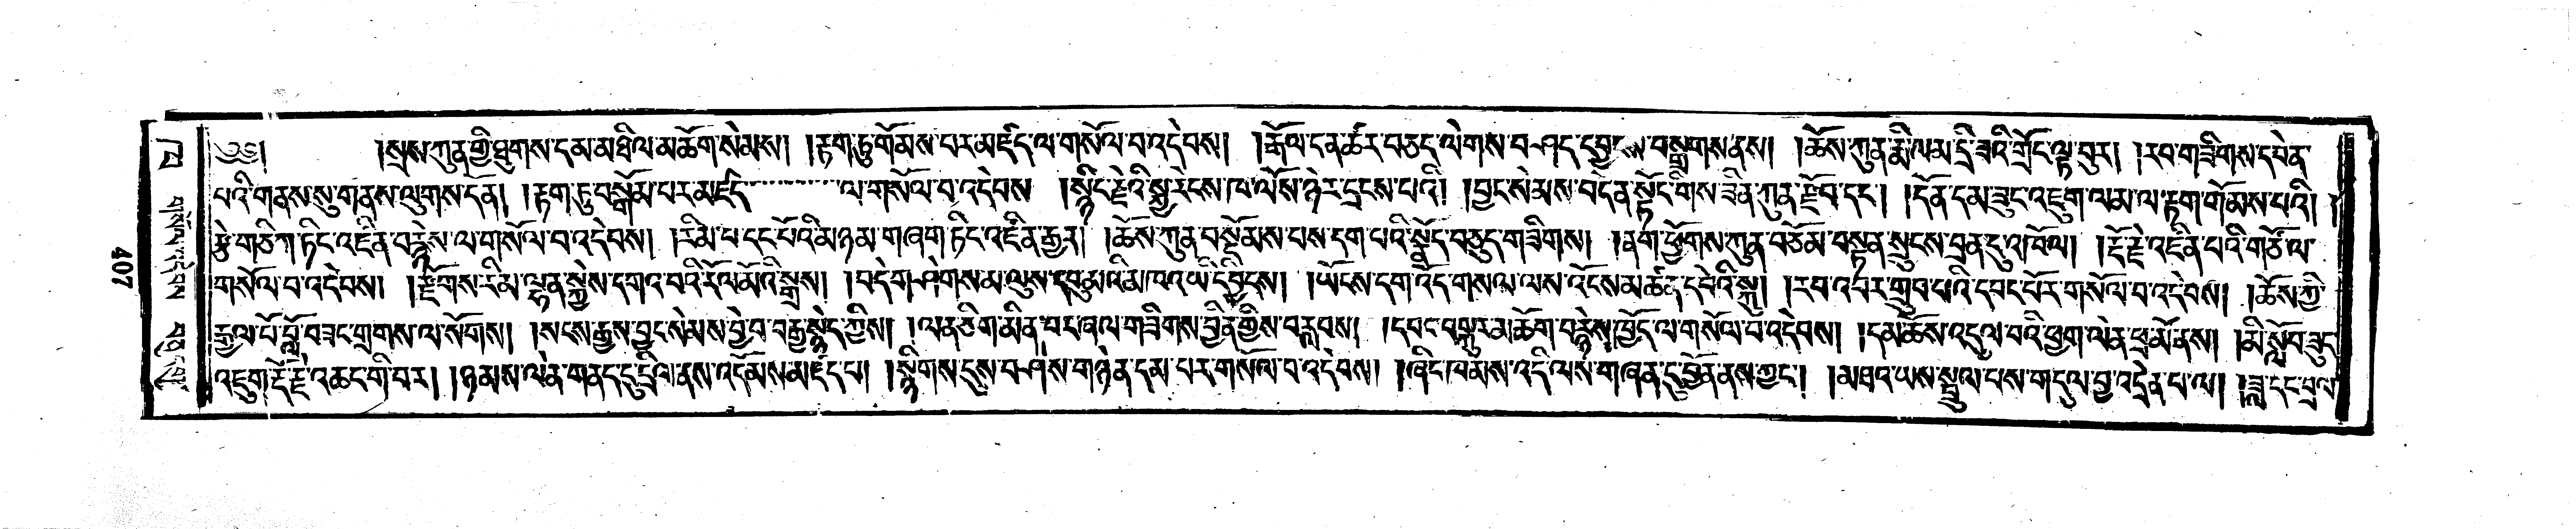༄༅། །སྲས་ཀུན་གྱི་ཐུགས་དམ་མཐིལ་མཆོག་སེམས། །རྟག་ཏུ་གོམས་པར་མཛད་ལ་གསོལ་བ་འདེབས། །རྒོལ་ངན་ཚར་བཅད་ལེགས་བཤད་དབྱངས་བསྒྲགས་ནས། །ཆོས་ཀུན་རྨི་ལམ་དྲི་ཟའི་གྲོང་ལྟ་བུར། །རབ་གཟིགས་དཔེན་
པའི་གནས་སུ་གནས་ལུགས་དོན། །རྟག་ཏུ་བསྒོམ་པར་མཛད་ལ་གསོལ་བ་འདེབས། །སྙིང་རྗེའི་སྐྱ་རེངས་ཁ་ལོས་ཉེར་དྲངས་པའི། །བྱང་སེམས་བདེན་སྟོང་གིས་ཟིན་ཀུན་རྫོབ་དང་། །དོན་དམ་ཟུང་འཇུག་ལམ་ལ་རྟག་གོམས་པའི།།
རྩེ་གཅིག་ཏིང་འཛིན་བརྙེས་ལ་གསོལ་བ་འདེབས། །རིམ་པ་དང་པོའི་མཉམ་གཞག་ཏིང་འཛིན་རྒྱར། །ཆོས་ཀུན་བསྡོམས་པས་དག་པའི་སྣོད་བཅུད་གཟིགས། །ནག་ཕྱོགས་ཀུན་བཅོམ་བསྟན་སྲུངས་བྲན་དུ་འཁོལ། །རྡོ་རྗེ་འཛིན་པའི་གཙོ་ལ་
གསོལ་བ་འདེབས། །རྫོགས་རིམ་ལྷན་སྐྱེས་དགའ་བའི་རོལ་མོའི་སྒྲས། །བདེ་གཤེགས་མ་ལུས་དབུ་མའི་མཁའ་ཡི་དབྱིངས། །ཡོངས་དག་འོད་གསལ་ལས་འོངས་མཚན་དཔེའི་སྐུ། །རབ་འབར་གྲུབ་པའི་དབང་པོར་གསོལ་བ་འདེབས། །ཆོས་ཀྱི་
རྒྱལ་པོ་བློ་བཟང་གྲགས་ལ་སོགས། །སངས་རྒྱས་བྱང་སེམས་བྱེ་བ་བརྒྱ་སྙེད་ཀྱིས། །ལན་ཅིག་མིན་པར་ཞལ་གཟིགས་བྱིན་གྱིས་བརླབས། །དབང་བསྐུར་མཆོག་བརྙེས་ཁྱོད་ལ་གསོལ་བ་འདེབས། །དམ་ཆོས་འདུལ་བའི་ཕྱག་ལེན་ཕྲ་མོ་ནས། །མི་སློབ་ཟུང་
འཇུག་རྡོ་རྗེ་འཆང་གི་བར། །ཉམས་ལེན་གནད་དུ་དྲིལ་ནས་འདོམས་མཛད་པ། །སྙིགས་དུས་བཤེས་གཉེན་དམ་པར་གསོལ་བ་འདེབས། །ཞིང་ཁམས་འདི་ལས་གཞན་དུ་བྱོན་ནས་ཀྱང་། །མཐའ་ཡས་སྤྲུལ་པས་གདུལ་བྱ་འདྲེན་པ་ལ། །ཟླ་དང་བྲལ་